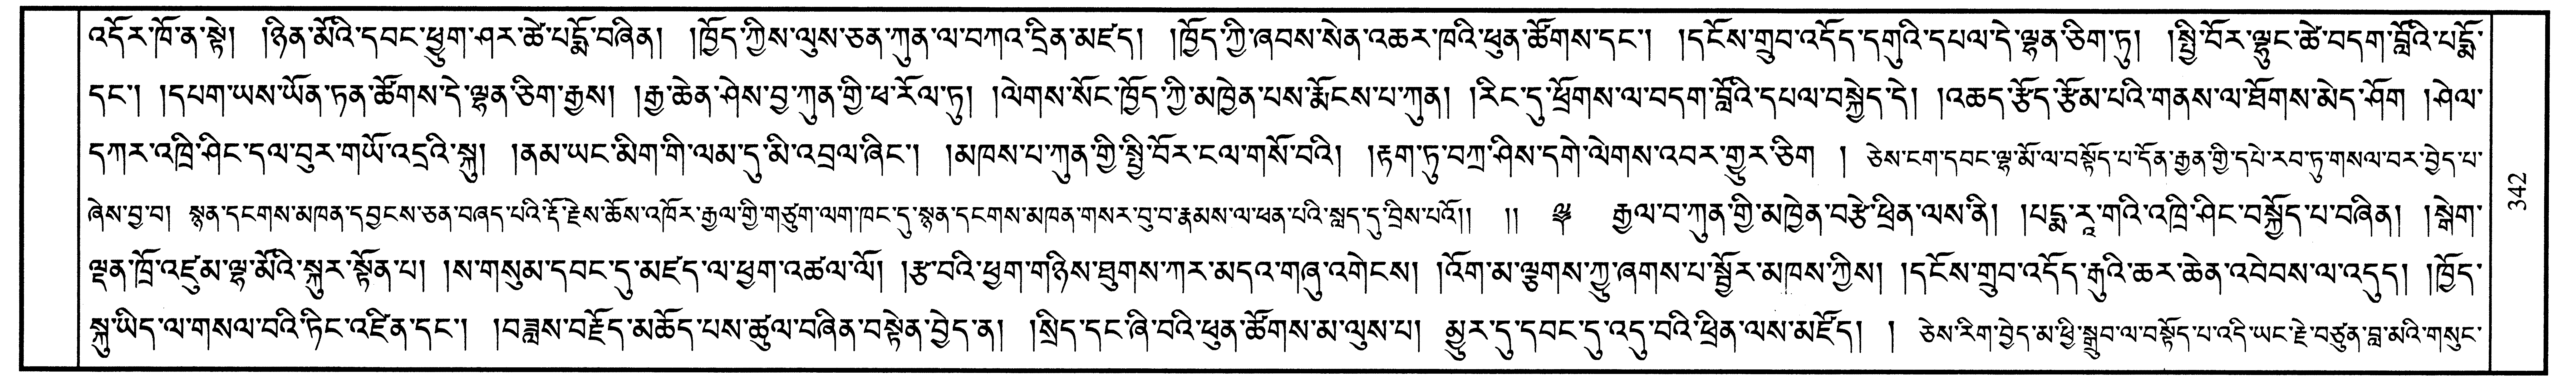འདོར་ཁོ་ན་སྟེ། །ཉིན་མོའི་དབང་ཕྱུག་ཤར་ཚེ་པདམོ་བཞིན། །ཁྱོད་ཀྱིས་ལུས་ཅན་ཀུན་ལ་བཀའ་དྲིན་མཛད། །ཁྱོད་ཀྱི་ཞབས་སེན་འཆར་ཁའི་ཕུན་ཚོགས་དང་། །དངོས་གྲུབ་འདོད་དགུའི་དཔལ་དེ་ལྷན་ཅིག་ཏུ། །སྤྱི་བོར་ལྷུང་ཚེ་བདག་བློའི་པདམོ་
དང་། །དཔག་ཡས་ཡོན་ཏན་ཚོགས་དེ་ལྷན་ཅིག་རྒྱས། །རྒྱ་ཆེན་ཤེས་བྱ་ཀུན་གྱི་ཕ་རོལ་ཏུ། །ལེགས་སོང་ཁྱོད་ཀྱི་མཁྱེན་པས་རྨོངས་པ་ཀུན། །རིང་དུ་ཕྲོགས་ལ་བདག་བློའི་དཔལ་བསྐྱེད་དེ། །འཆད་རྩོད་རྩོམ་པའི་གནས་ལ་ཐོགས་མེད་ཤོག །ཤེལ་
དཀར་འཁྲི་ཤིང་དལ་བུར་གཡོ་འདྲའི་སྐུ། །ནམ་ཡང་མིག་གི་ལམ་དུ་མི་འབྲལ་ཞིང་། །མཁས་པ་ཀུན་གྱི་སྤྱི་བོར་ངལ་གསོ་བའི། །རྟག་ཏུ་བཀྲ་ཤིས་དགེ་ལེགས་འབར་གྱུར་ཅིག །ཅེས་ངག་དབང་ལྷ་མོ་ལ་བསྟོད་པ་དོན་རྒྱན་གྱི་དཔེ་རབ་ཏུ་གསལ་བར་བྱེད་པ་
ཞེས་བྱ་བ། སྙན་དངགས་མཁན་དབྱངས་ཅན་བཞད་པའི་རྡོ་རྗེས་ཆོས་འཁོར་རྒྱལ་གྱི་གཙུག་ལག་ཁང་དུ་སྙན་དངགས་མཁན་གསར་བུ་བ་རྣམས་ལ་ཕན་པའི་སླད་དུ་བྲིས་པའོ།། །། ༈ རྒྱལ་བ་ཀུན་གྱི་མཁྱེན་བརྩེ་ཕྲིན་ལས་ནི། །པདམ་རཱ་གའི་འཁྲི་ཤིང་བསྐྱོད་པ་བཞིན། །སྒེག་
ལྡན་ཁྲོ་འཛུམ་ལྷ་མོའི་སྐུར་སྟོན་པ། །ས་གསུམ་དབང་དུ་མཛད་ལ་ཕྱག་འཚལ་ལོ། །རྩ་བའི་ཕྱག་གཉིས་ཐུགས་ཀར་མདའ་གཞུ་འགེངས། །འོག་མ་ལྕགས་ཀྱུ་ཞགས་པ་སྦྱོར་མཁས་ཀྱིས། །དངོས་གྲུབ་འདོད་རྒུའི་ཆར་ཆེན་འབེབས་ལ་འདུད། །ཁྱོད་
སྐུ་ཡིད་ལ་གསལ་བའི་ཏིང་འཛིན་དང་། །བཟླས་བརྗོད་མཆོད་པས་ཚུལ་བཞིན་བསྟེན་བྱེད་ན། །སྲིད་དང་ཞི་བའི་ཕུན་ཚོགས་མ་ལུས་པ། མྱུར་དུ་དབང་དུ་འདུ་བའི་ཕྲིན་ལས་མཛོད། །ཅེས་རིག་བྱེད་མ་ཕྱི་སྒྲུབ་ལ་བསྟོད་པ་འདི་ཡང་རྗེ་བཙུན་བླ་མའི་གསུང་